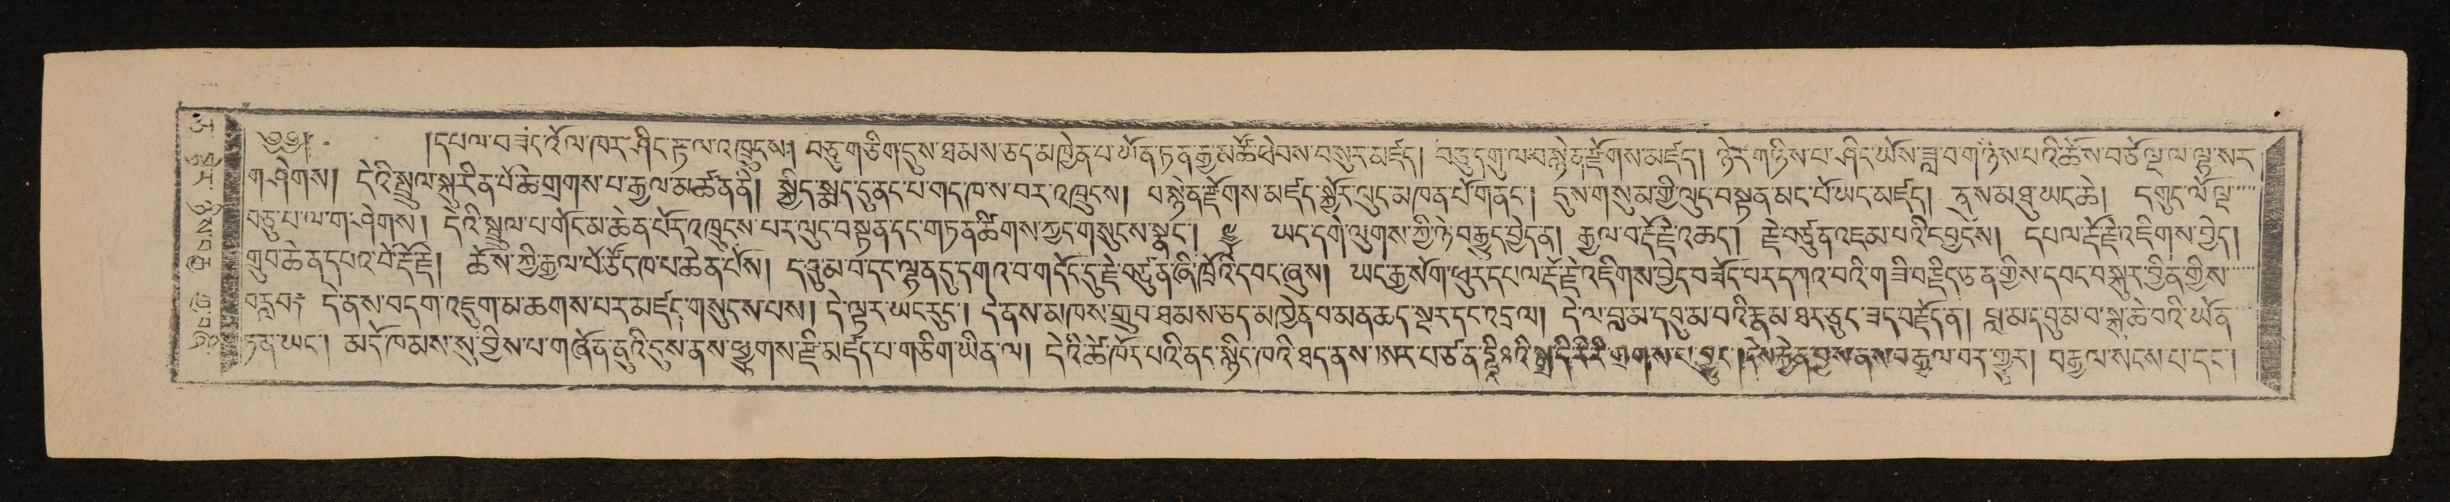༄༅། །དཔལ་བཟང་འོལ་ཁར་ཤིང་རྟ་ལ་འཁྲུངས། བཅུ་གཅིག་དུས་ཐམས་ཅད་མཁྱེན་པ་ཡོན་ཏན་རྒྱ་མཚོ་ཕེབས་བསུར་མཛད། བཅུ་དགུ་ལ་བསྙེན་རྫོགས་མཛད། ཉེར་གཉིས་པ་ཤིང་ཡོས་ཟླ་བ་གཉིས་པའི་ཚེས་བཅོ་ལྔ་ལ་ལྷ་སར་
གཤེགས། དེའི་སྤྲུལ་སྐུ་རིན་པོ་ཆེ་གྲགས་པ་རྒྱལ་མཚན་ནི། སྐྱིད་སྨད་དུ་ནང་པ་གད་ཁས་པར་འཁྲུངས། བསྙེན་རྫོགས་མཛད་སྐྱོར་ལུང་མཁན་པོ་གནང་། དུས་གསུམ་གྱི་ལུང་བསྟན་མང་པོ་ཡང་མཛད། ནུས་མཐུ་ཡང་ཆེ། དགུང་ལོ་ལྔ་
བཅུ་པ་ལ་གཤེགས། དེའི་སྤྲུལ་པ་གོང་མ་ཆེན་པོར་འཁྲུངས་པར་ལུང་བསྟན་དང་གཏན་ཚིགས་ཀྱང་གསུངས་སྣང་། ༈ ཡང་དགེ་ལུགས་ཀྱི་ཉེ་བརྒྱུད་བྱེད་ན། རྒྱལ་བ་རྡོ་རྗེ་འཆང་། རྗེ་བཙུན་འཇམ་པའི་དབྱངས། དཔལ་རྡོ་རྗེ་འཇིགས་བྱེད།
གྲུབ་ཆེན་དཔའ་བོ་རྡོ་རྗེ། ཆོས་ཀྱི་རྒྱལ་པོ་ཙོང་ཁ་པ་ཆེན་པོས། དབུ་མ་བ་དང་ལྷན་དུ་དགའ་བ་གདོང་དུ་རྗེ་བཙུན་ཞི་ཁྲོའི་དབང་ཞུས། ཡང་རྒྱ་སོག་ཕུར་དཔལ་རྡོ་རྗེ་འཇིགས་བྱེད་བཟོད་པར་དཀའ་བའི་གཟི་བརྗིད་ཅན་གྱིས་དབང་བསྐུར་བྱིན་གྱིས་
བརླབ། དེ་ནས་བདག་འཇུག་མ་ཆགས་པར་མཛད་གསུངས་པས། དེ་ལྟར་ཡང་རུང་། དེ་ནས་མཁས་གྲུབ་ཐམས་ཅད་མཁྱེན་པ་མན་ཆད་སྔར་དང་འདྲ་ལ། དེ་ལ་བླ་མ་དབུ་མ་པའི་རྣམ་ཐར་ཅུང་ཟད་བརྗོད་ན། བླ་མ་དབུ་མ་པ་སྐུ་ཆེ་བའི་ཡོན་
ཏན་ཡང་། མདོ་ཁམས་སུ་བྱིས་པ་གཞོན་ནུའི་དུས་ནས་ཕྱུགས་རྫི་མཛད་པ་གཅིག་ཡིན་ལ། དེའི་ཚེ་ཁོང་པའི་ནང་སྙིང་ཁའི་ཐད་ནས་ཨ་ར་པ་ཙ་ན་དྷཱིཿའི་སྒྲ་དི་རི་རི་གྲགས་པ་བྱུང་། དེས་རྐྱེན་བྱས་ནས་བརྒྱལ་བར་གྱུར། བརྒྱལ་སངས་པ་དང་།